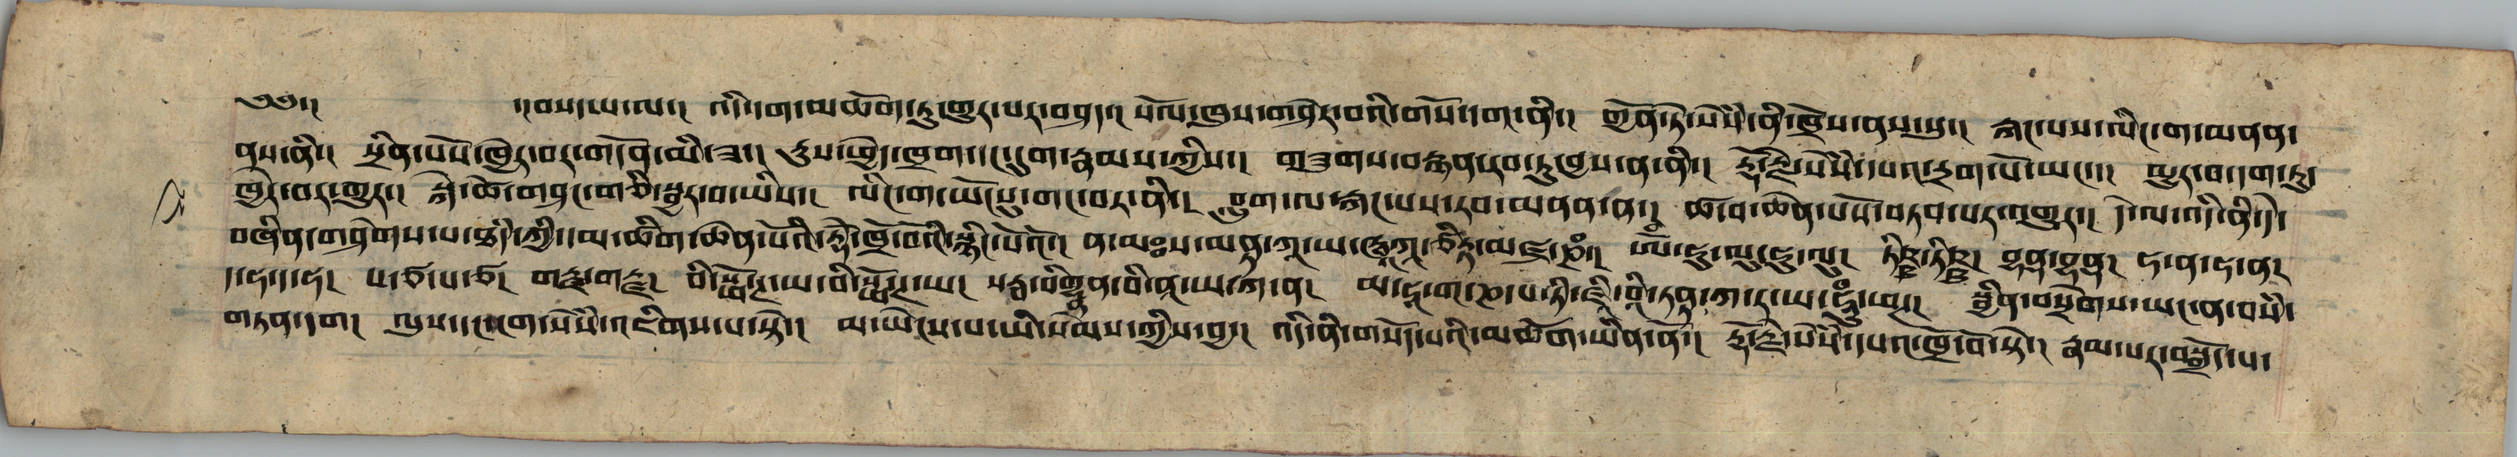༄༅་། ་།བསད་པ་ལ་། འདི་དག་མཆོག་ཏུ་གྱུར་པར་བཤད་། སོལ་ཁུས་གཤེར་བའི་གོས་དག་ནི་། གྱོན་ཏེ་སེཾས་ནི་ཁྲོས་ནས་སུ་། རྐང་པས་ལིང་ག་མནན་
ནས་ནི་། སྲིན་པོས་ཁྱེར་བར་གདོན་མི་ཟ་། རུས་ཕྱེད་ཁྲག་དང་དུག་རྣམས་ཀྱིས་། གཟུགས་བརྙན་རབ་ཏུ་བྱས་ན་ནི་། རྡོ་རྗེ་སེཾས་དཔའ་དྲག་པོ་ཡང་་། མྱུར་བ་དག་ཏུ་
ཁྱེར་བར་གྱུར་། སྐེ་ཚེ་གཤང་གཅི་སྦྱར་བ་ཡིས་། ལིང་ག་ཡོངསུ་གང་བར་ནི་། བླུག་ལ་རྐང་པས་རབ་མནན་ན་། ཚ་བ་ཆེན་པོས་བཏབ་པར་འགྱུར་། དེ་ལ་འདི་ནི་དེ་
བཞིན་གཤེགས་པ་ཐཾད་ཀྱི་དམ་ཚིག་ཆེན་པོའི་རྡོེ་ཁྲོ་བོའི་སྙིང་པོའོ་། ན་མཿས་མནྟ་ཀཱ་ཡ་ཝཱཀཱ་ཙིཏྟ་མཛྲ་ཎཾ་། ཨོཾ་ཧུ་ལུ་ཧུ་ལུ། ཏིཥྛ་ཏིཥྛ། བྷནྡ་བྷནྡ། ཧ་ན་ཧ་ན།
ད་ཧ་ད་ཧ། པ་ཙ་པ་ཙ། གརྫ་གརྫ། བི་སྥོ་ཊ་ཡ་བི་སྥོ་ཊ་ཡ། སརྦ་བིགྷཱན་བི་ནཱ་ཡ་ཀ་ན། མ་ཧཱ་ག་ཎ་པ་ཏི་ཛཱི་བཱི་ཏནྟ་ཀ་ར་ཡ་ཧཱུཾ་ཕཊ། སྦྱིན་བསྲེགས་ཡང་ན་བསཾ་
གཏན་དག། ལུས་དང་ངག་སེཾས་འཇིགས་པ་སྟེ་། མ་ཡེངས་པ་ཡི་སེམས་ཀྱིས་བྱ་། འདི་ནི་གསོད་པའི་མཆོག་ཡིན་ནོ་། རྡོ་རྗེ་སེཾས་དཔའ་ཁྲོ་བོ་སྟེ་། རྣམ་པར་བསྒྲོད་པ་